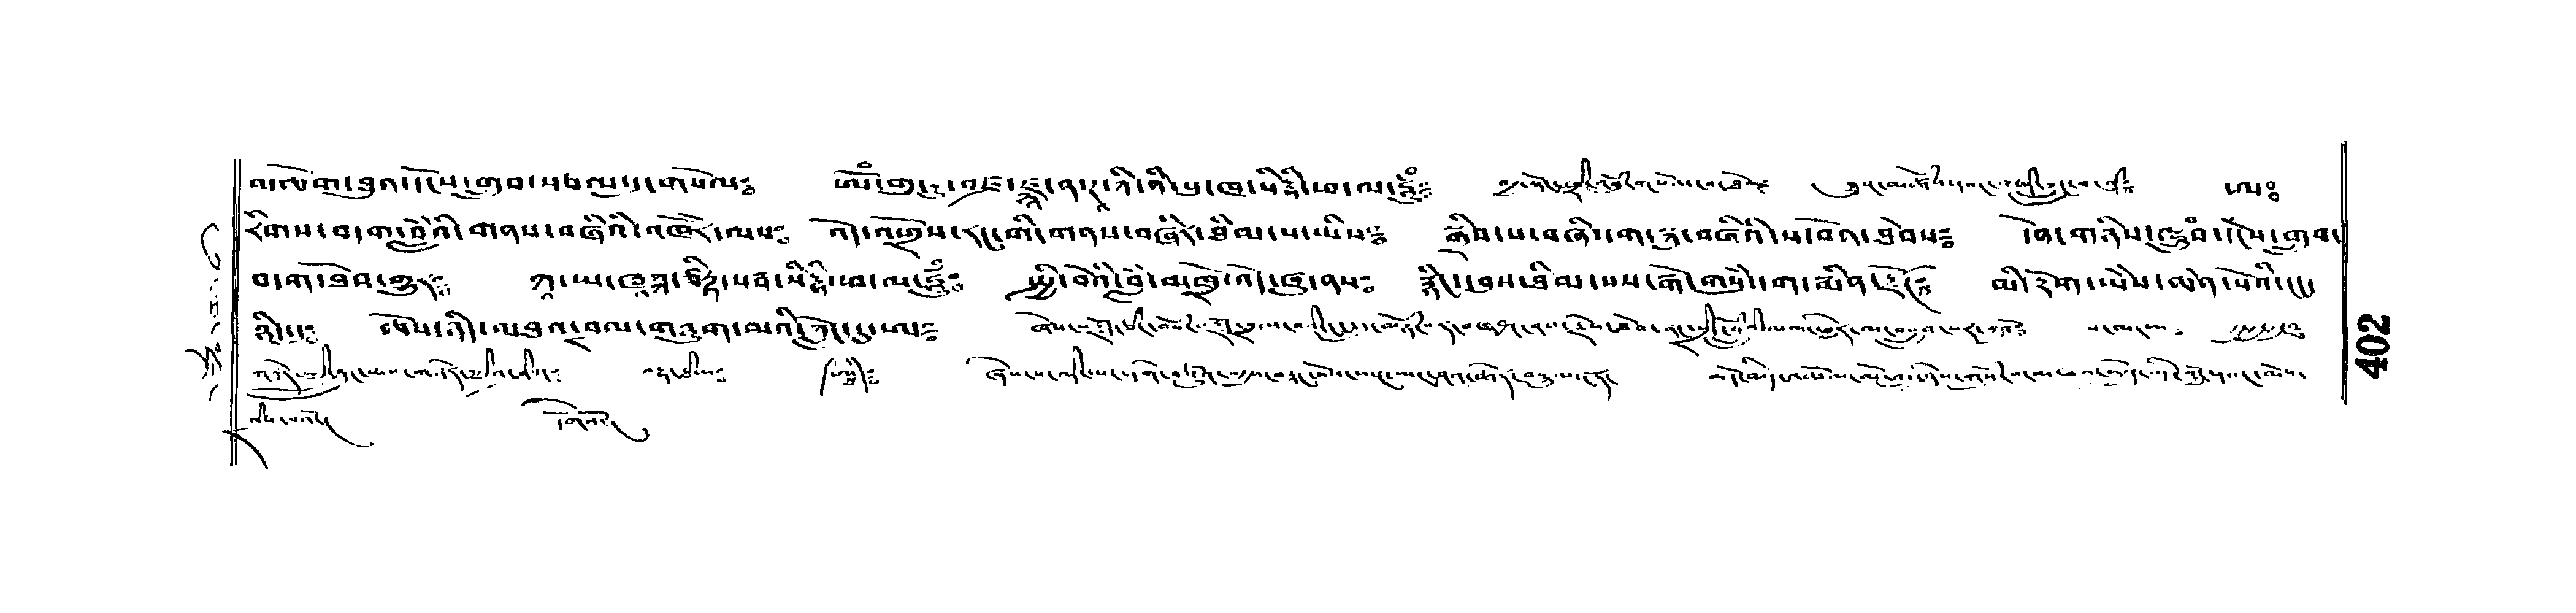མཆོག་ཐུན་དངོས་གྲུབ་བསྩལ་དུ་གསོལ༔ ཨོཾ་གུ་རུ་བཛྲ་ཛྙཱ་ན་ཌཱ་ཀི་ནི་སུ་ཁ་སིདྡྷི་ཕ་ལ་ཧཱུྃ༔ བརྒྱ་སྟོང་ཁྲི་འབུམ་གསོལ་བ་ཐོབ༔ ཐུན་མཚམས་དབང་བཞི་བླང་བ་ནི༔ ཨཱཿ 
རིགས་བདག་བླ་མའི་གནས་བཞིའི་འཁོར་ལོར་ལས༔ འོད་འཕྲོས་རང་གི་གནས་བཞིར་ཐིམ་པ་ཡིས༔ སྒྲིབ་པ་བཞི་དག་སྐུ་བཞིའི་ས་བོན་ཐེབས༔ དོན་གཉིས་ལྷུན་གྲུབ་དངོས་གྲུབ་
བདག་ཐོབ་གྱུར༔ ཀཱ་ཡ་ཝཱཀྐ་ཙིཏྟ་སརྦ་སིདྡྷི་ཕ་ལ་ཧཱུྃ༔ སྤྱི་བོའི་བླ་མ་མཁའ་འགྲོ་འོད་ཞུ་ནས༔སྙིང་དབུས་ཐིམ་པས་སྒོ་གསུམ་དག་སྨིན་རྫོགས༔ མི་རྟོག་ཡེ་ཤེས་ཆེན་པོའི་ངང་
ཉིད་དུ༔ ཆོས་ཉིད་མཐའ་བྲལ་གཉུག་མའི་ཀློང་དུ་ཨཱཿ ཞེས་བརྗོད་ཅིང་བསམ་བརྗོད་བྲལ་བའི་ངང་དུ་མཉམ་པར་བཞག་ནས་རྗེས་ཐོབ་སྣང་སྲིད་བླ་མའི་ལམ་ཁྱེར་ལ་བསླབ་པར་བྱའོ།། ས་མ་ཡ༔ རྒྱ་རྒྱ་རྒྱ༔ 
གཏེར་སྤྱི་སྲུང་མས་གཉེར་གྱིས་ཤིགཿ བརྡ་ཐིམ༔ ༔ ཞེས་པ་འདི་ཡང་དགེ་བཙུན་སངས་རྒྱས་བཟང་པོས་ཡང་ཡང་ནན་ཆེར་བསྐུལ་ངོར། མདོ་མེད་འཆོལ་མོ་འདུ་ཤེས་གསུམ་པ་མཁའ་སྤྱོད་བདེ་སྐྱོང་དབང་མོས་
བྲིས་པའོ།། དགེའོ།